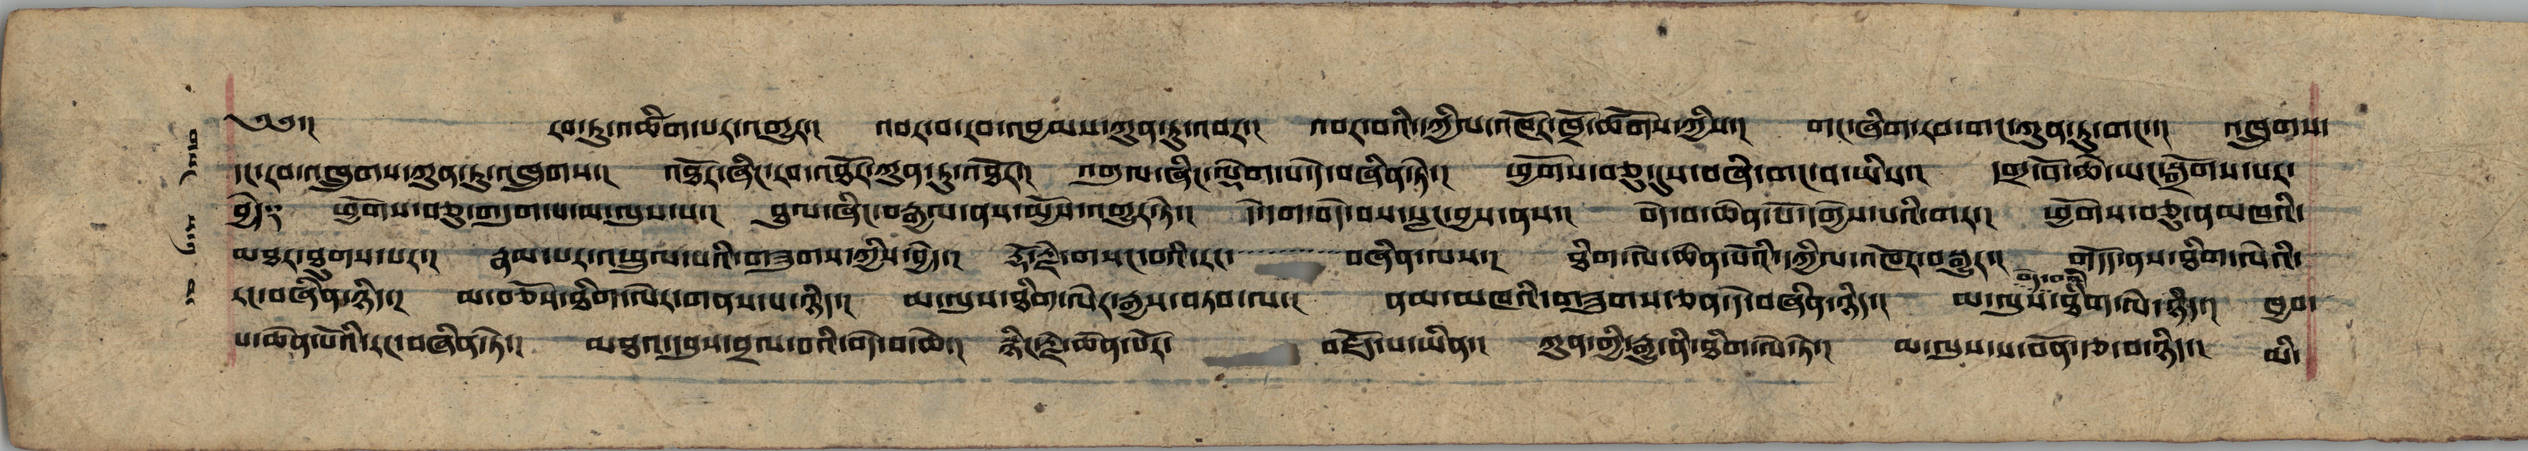༄༅་། རབ་ཏུའཚིག་པར་འགྱུར་། འབར་བ་རབ་འབྱམས་ཀུན་ཏུ་འབར་། འབར་བའི་དཀྱིལ་འཁོར་ཁྲོ་ཚོགས་ཀྱིས་། གང་ཞིག་རབ་གང་ཀུན་ཏུ་གང་་། འཁྲུགས་
དང་རབ་འཁྲུགས་ཀུན་ཏུ་འཁྲུགས་། འཐོར་ཞིང་རབ་འཐོར་ཀུན་ཏུ་འཐོར་། འགུལ་ཞིང་ལྡེག་པ་དེ་བཞིན་ཏེ་། ཕྱོགས་བཅུ་དུས་བཞི་གང་བ་ཡིས་། དགྲ་བོ་ཆེ་ཡང་སྒྲོགས་པར་
བྱེད༑ ཕྱོགས་བཅུ་གདུག་པ་མ་ལུས་པ་། ཐུལ་ཞིང་བརྒྱལ་ནས་མྱོས་འགྱུར་ཏེ་། དེ་དག་བདེ་བས་སླང་བྱས་ནས་། བདེ་བ་ཆེན་པོ་དགྱེས་པའི་གར་། ཕྱོགས་བཅུ་ནམཁའི་
མཐར་ཐུགས་པར་། རྣམ་པར་འཕྲུལ་པའི་གཟུགས་ཀྱིས་བྱེད་། རྡོ་རྗེ་གསང་བའི་རང་་་་་་་་་་་་བཞིན་ལས་། ཐིག་ལེ་ཆེན་པོའི་དཀྱིལ་འཁོར་བསྒྱུར་། གདོད་ནས་ཐིག་ལེའི་
རང་བཞིན་ཉིད་། མ་བཅོས་ཐིག་ལེར་གནས་པ་ཉིད་། མ་ལུས་ཐིག་ལེར་རྒྱས་བཏབ་ལ་། ནམ་མཁའི་གཟུགས་ཅན་དེ་བཞིན་ཉིད་། མ་ལུས་ཐིག་ལེ་ཉིད་། ཁྱབ་
པ་ཆེན་པོའི་རང་བཞིན་ཏེ་། མཐའ་དབུས་བྲལ་བའི་བདེ་བ་ཆེ་། སྙིང་རྗེ་ཆེན་པོར་ བརྗོད་པ་ཡིན་། ཀུན་གྱི་རྒྱུ་ནི་ཐིག་ལེ་ཏེ་། མ་ལུས་ས་བོན་རྩ་བ་ཉིད་། མི་